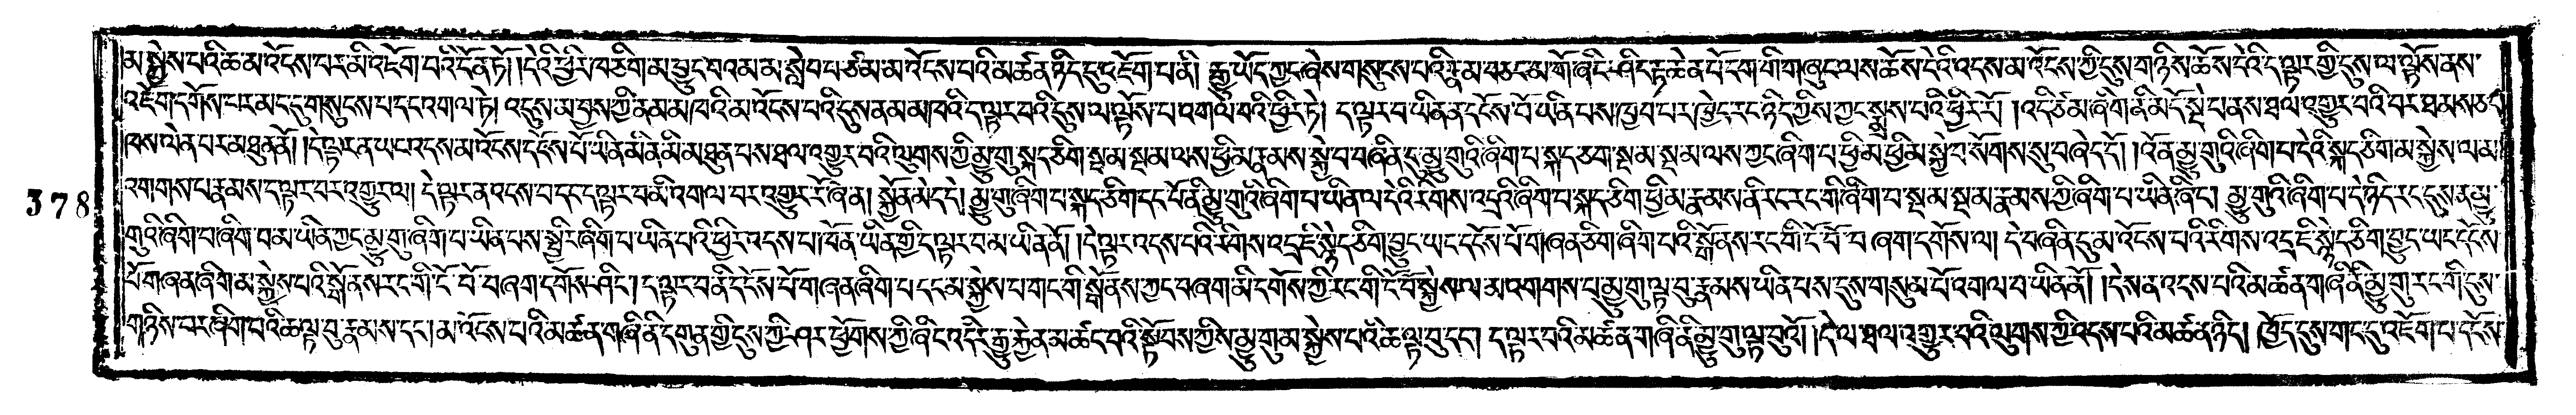མ་སྐྱེས་པའི་ཆ་མ་འོངས་བར་མི་འཇོག་བའི་དོན་ཏོ། །དེའི་ཕྱིར་ཁ་ཅིག་མ་བྱུང་བའམ་མ་སླེབ་པ་ཙམ་མ་འོངས་པའི་མཚན་ཉིད་དུ་འཇོག་པ་ནི། རྒྱུ་ཡོད་ཀྱང་ཞེས་གསུངས་པའི་རྣམ་བཅད་མ་གོ་ཞིང་ཤིང་རྟ་ཆེན་པོ་དག་གི་གཞུང་ལས་ཆོས་དེའི་འདས་མ་འོངས་ཀྱི་དུས་གཉིས་ཆོས་དེའི་ད་ལྟར་གྱི་དུས་ལ་ལྟོས་ནས་
འཇོག་དགོས་པར་མང་དུ་གསུངས་པ་དང་འགལ་ཏེ། འདུས་མ་བྱས་ཀྱི་ནམ་མཁའི་མ་འོངས་པའི་དུས་ནམ་མཁའི་ད་ལྟར་བའི་དུས་ལ་ལྟོས་པ་འགལ་བའི་ཕྱིར་ཏེ། ད་ལྟར་བ་ཡིན་ན་དངོས་པོ་ཡིན་པས་ཁྱབ་པར་ཁྱེད་རང་ཉིད་ཀྱིས་ཀྱང་སྨྲས་པའི་ཕྱིར་རོ། །འདི་ཙམ་ཞིག་ནི་མདོ་སྡེ་པ་ནས་ཐལ་འགྱུར་བའི་བར་ཐམས་ཅད་
ཁས་ལེན་པར་མཐུན་ནོ། །དེ་ལྟར་ན་ཡང་འདས་མ་འོངས་དངོས་པོ་ཡིན་མིན་མི་མཐུན་པས་ཐལ་འགྱུར་བའི་ལུགས་ཀྱི་མྱུ་གུ་སྐད་ཅིག་སྔ་མ་སྔ་མ་ལས་ཕྱི་མ་རྣམས་སྐྱེ་བ་བཞིན་དུ་མྱུ་གུའི་ཞིག་པ་སྐད་ཅག་སྔ་མ་སྔ་མ་ལས་ཀྱང་ཞིག་པ་ཕྱི་མ་ཕྱི་མ་སྐྱེ་བ་སོགས་སུ་བཞེད་དོ། །འོན་མྱུ་གུའི་ཞིག་པ་དེའི་སྐད་ཅིག་མ་སྐྱེས་ལམ་
འགགས་པ་རྣམས་ད་ལྟར་བར་འགྱུར་ལ། དེ་ལྟར་ན་འདས་པ་དང་ད་ལྟར་བ་མི་འགལ་བར་འགྱུར་རོ་ཞེ་ན། སྐྱོན་མེད་དེ། མྱུ་གུ་ཞིག་པ་སྐད་ཅིག་དང་པོ་ནི་མྱུ་གུའི་ཞིག་པ་ཡིན་ལ་དེའི་རིགས་འདྲའི་ཞིག་པ་སྐད་ཅིག་ཕྱི་མ་རྣམས་ནི་རང་རང་གི་ཞིག་པ་སྔ་མ་སྔ་མ་རྣམས་ཀྱི་ཞིག་པ་ཡིན་ཞིང་། མྱུ་གུའི་ཞིག་པ་དེ་ཉིད་རང་དུས་ནས་
གུའི་ཞིག་བ་ཞིག་བ་མ་ཡིན་ཀྱང་མྱུ་གུ་ཞིག་པ་ཡིན་པས་སྤྱིར་ཞིག་པ་ཡིན་པའི་ཕྱིར་འདས་པ་ཁོ་ན་ཡིན་གྱི་ད་ལྟར་བ་མ་ཡིན་ནོ། །དེ་ལྟར་འདས་པའི་རིགས་འདྲ་ཇི་སྙེད་ཅིག་བྱུང་ཡང་དངོས་པོ་གཞན་ཅིག་ཞིག་པའི་སྒོ་ནས་རང་གི་ངོ་བོ་བཞག་དགོས་ལ། དེ་བཞིན་དུ་མ་འོངས་པའི་རིགས་འདྲ་ཇི་སྙེད་ཅིག་བྱུང་ཡང་དངོས་
པོ་གཞན་ཞིག་མ་སྐྱེས་པའི་སྒོ་ནས་རང་གི་ངོ་བོ་བཞག་དགོས་ཤིང་། ད་ལྟར་བ་ནི་དངོས་པོ་གཞན་ཞིག་པ་དང་མ་སྐྱེས་པ་གང་གི་སྒོ་ནས་ཀྱང་བཞག་མི་དགོས་ཀྱི་རང་གི་ངོ་བོ་སྐྱེས་ལ་མ་འགགས་པ་མྱུ་གུ་ལྟ་བུ་རྣམས་ཡིན་པས་དུས་གསུམ་པོ་འགལ་བ་ཡིན་ནོ། །དེས་ན་འདས་པའི་མཚན་གཞི་ནི་མྱུ་གུ་རང་གི་དུས་
གཉིས་པར་ཞིག་བའི་ཆ་ལྟ་བུ་རྣམས་དང་། མ་འོངས་པའི་མཚན་གཞི་ནི་དགུན་གྱི་དུས་ཀྱི་ཤར་ཕྱོགས་ཀྱི་ཞིང་འདིར་རྒྱུ་རྐྱེན་མ་ཚང་བའི་སྟོབས་ཀྱིས་མྱུ་གུ་མ་སྐྱེས་པའི་ཆ་ལྟ་བུ་དང་། ད་ལྟར་བའི་མཚན་གཞི་ནི་མྱུ་གུ་ལྟ་བུའོ། །དེ་ལ་ཐལ་འགྱུར་བའི་ལུགས་ཀྱི་འདས་པའི་མཚན་ཉིད། ཁྱོད་དུས་གང་དུ་འཇོག་བ་དངོས་